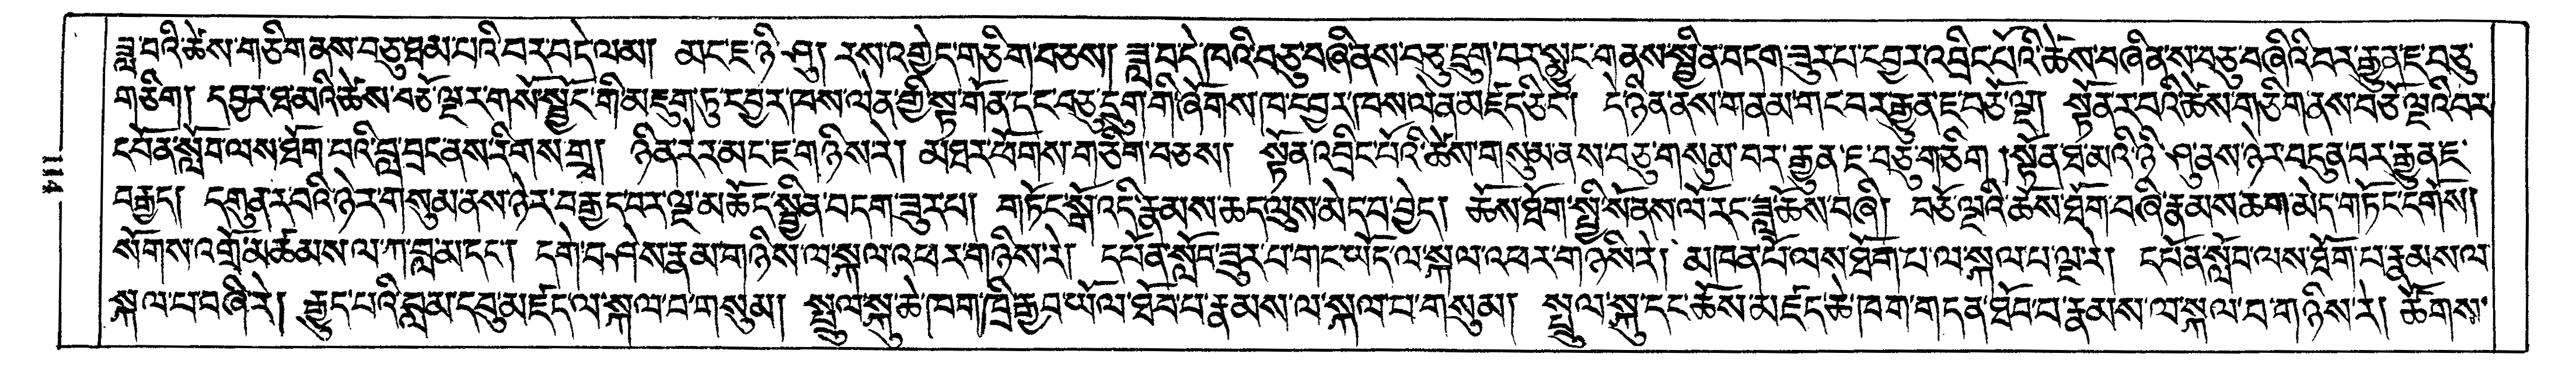ཟླ་བའི་ཚེས་གཅིག་ནས་བཅུ་ཐམ་པའི་བར་བདེ་ལམ། མང་ཇ་ཉི་ཤུ། རས་འགྱེད་གཅིག་བཅས། ཟླ་བ་དེ་ཁའི་བཅུ་བཞི་ནས་བཅུ་དྲུག་བར་སྨྱུང་གནས་སྦྱིན་བདག་ཟུར་བ་དབྱར་འབྲིང་པོའི་ཚེས་བཞི་ནས་བཅུ་བཞིའི་བར་རྒྱུན་ཇ་བཅུ་
གཅིག། དབྱར་ཐ་མའི་ཚེས་བཅོ་ལྔར་གསོ་སྦྱོང་གི་མཇུག་ཏུ་དབྱར་ཁས་ལེན་གྱི་སྟ་གོན་དྣག་བཅུ་དྲུག་གི་ཞོགས་ཁ་དབཡར་ཁས་ལེན་མཛད་ཅིང་། དེ་ཉིན་ནས་གནམ་གང་བར་རྒྱུན་ཇ་བཅོ་ལྔ། སྟོ་ནར་བའི་ཚེས་གཅིག་ནས་བཅོ་ལྔའི་བར་
དཔོན་སློབ་ལས་ཐོག་པའི་བླ་བྲང་ནས་རིགས་གྲྭ། ཉིན་རེར་མང་ཇ་གཉིས་རེ། མཐར་ཕོགས་གཅིག་བཅས། སྟོན་འབྲིང་པོའི་ཚེས་གསུམ་ནས་བཅུ་གསུམ་བར་རྒྱུན་ཇ་བཅུག་གཅིག །སྟོན་ཐ་མའི་ཉི་ཤུ་ནས་ཉེར་བདུན་བར་རྒྱུན་ཇ་
བརྒྱད། དགུན་ར་བའི་ཉེར་གསུམ་ནས་ཉེར་བརྒྱད་བར་ལྔ་མཆོད་སྦྱིན་བདག་ཟུར་པ། གཏོང་སྒོ་འདི་རྣམས་ཆད་ལུས་མེད་པ་བྱེད། ཆོས་ཐོག་སྤྱི་སོ་ནས་ལོ་རེར་ཟླ་ཆོས་བཞི། བཅོ་ལྔའི་ཆོས་ཐོག་བཞི་རྣམས་ཆག་མེད་གཏོང་དགོས།
ཕོགས་འགྲོ་མཚམས་ལ་ཀ་བླ་མ་དང་། དགེ་བཤེས་རྣམ་གཉིས་ལ་སྐལ་འཕར་གཉིས་རེ། དཔོན་སློབ་ཟུར་པ་གང་ཡོད་ལ་སྐལ་འཕར་གཉིས་རེ། མཁན་པོ་ལས་ཐོག་པ་ལ་སྐལ་བ་ལྔ་རེ། དཔོན་སློབ་ལས་ཐོག་པ་རྣམས་ལ་
སྐལ་བ་བཞི་རེ། རྒྱུད་པའི་བླ་མ་དབུ་མཛད་ལ་སྐལ་བ་གསུམ། སྤྲུལ་སྐུ་ཆེ་ཁག་ཁྲི་རྒྱབ་ཡོལ་ཐོབ་པ་རྣམས་ལ་སྐལ་བ་གསུམ། སྤྲུལ་སྐུ་དང་ཆོས་མཛད་ཆེ་ཁག་གདན་ཐོབ་པ་རྣམས་ལ་སྐལ་བ་གཉིས་རེ། ཚོགས་